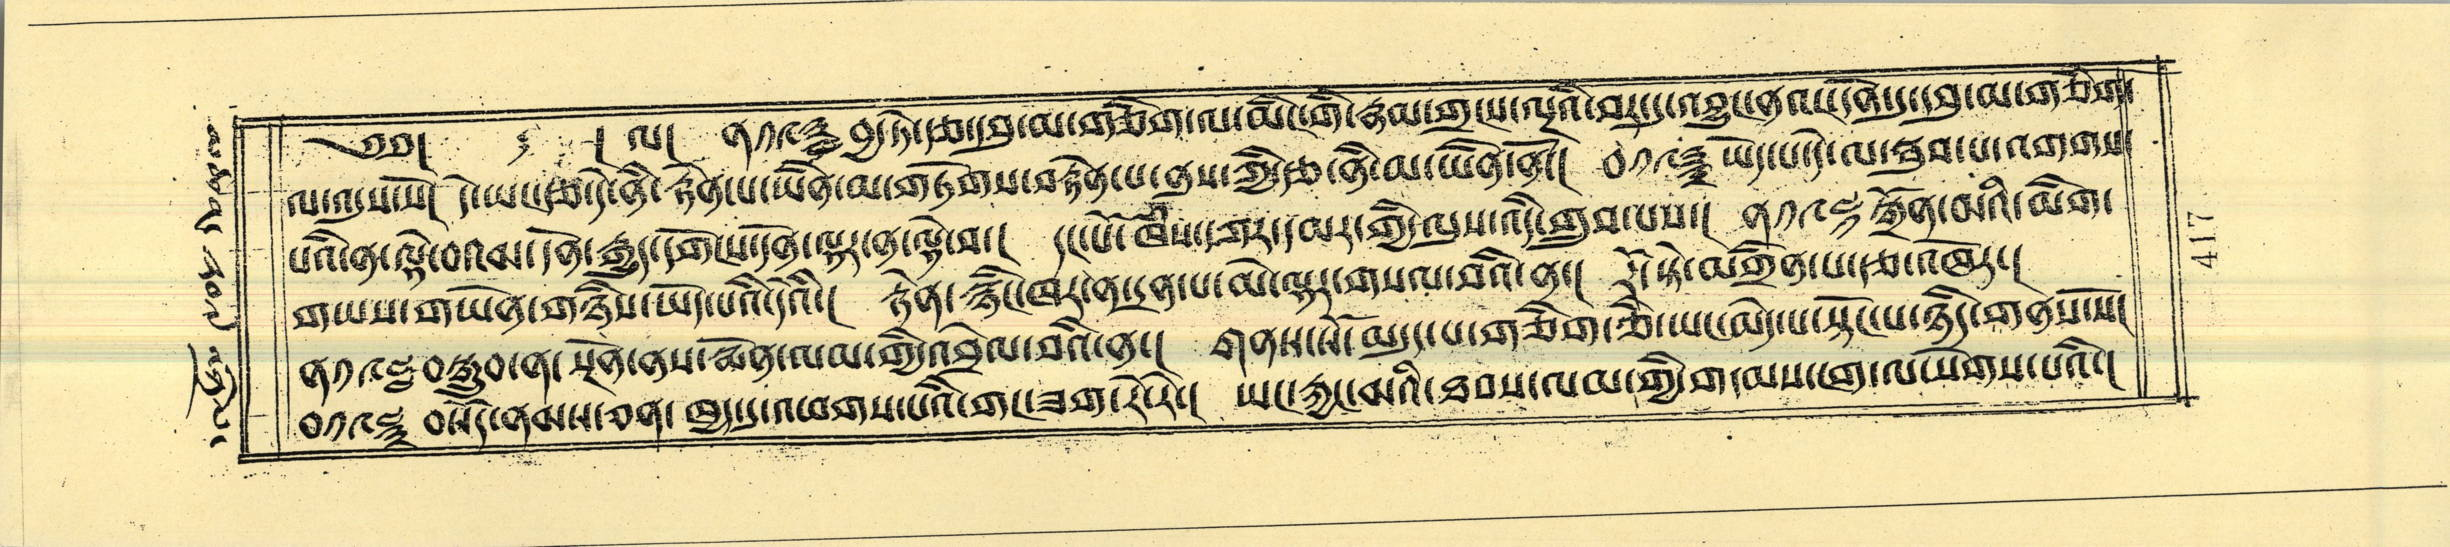ལ། ན༡༩༣།༤༼བྱ་སྟེ༽རྩ་དབུ་མ་གཅིག་ལ་མིང་གི་རྣམ་གྲངས་ལྔའི་བར་དུ་འབྱུང་ནའང་དོན་དུ་དབུ་མ་གཅིག་
ལ་འདུས་སོ། དེ་ཡང་རྩ་དེ་ནི་བརྟེན་པ་ཡིན་མ་གཏོགས་བརྟེན་པ་ནུས་ཀྱི་རྩ་ནི་མ་ཡིན་ནོ། བ༡༩༣།༣ཡོད་པ་དེ་ལ་སྦུབས་པ་འགག་
པས་ན་ལྟེ་བའམ་དོན་རྒྱུད་དགོངས་དོན་ལྟར་ན་ལྟེ་བ་དང་པོ་ཁམས་དཀར་དམར་གྱི་ལུས་འདི་གྲུབ་པས་ན༡༩༤།༡སྒྲོན་མའི་མིག་
གཡས་གཡོན་གཉིས་ཡོད་པའི་དེའི། ༼རྟེན༽སྙིང་ཁར་ན་དྲན་པ་མེ་ལྟར་གསལ་བས་ན་༼རོ༽སྟེ་མགྲིན་པ་རྩ་འཁོར་
ན༡༩༤།༤བསྒྲུབ་ན་སྔོན་ནས་སྨོན་ལམ་གྱི་འབྲེལ་བའི་ན། གནས་སོ་མདུད་གཅིག་ཅི་ཡང་མེད་པ་སྟོངཔ་ཉིད་གནས་སོ། 
བ༡༩༤།༣ ༼བསོད་ནམས་ཅན༽ཁྱད་དུ་འཕགས་པའི་གང་ཟག་རེ་རེ་༼ཡང༽རྐྱང་མའི་ཐབས་ལམ་གྱི་གདམས་ངག་ལ་སོགས་པའི་